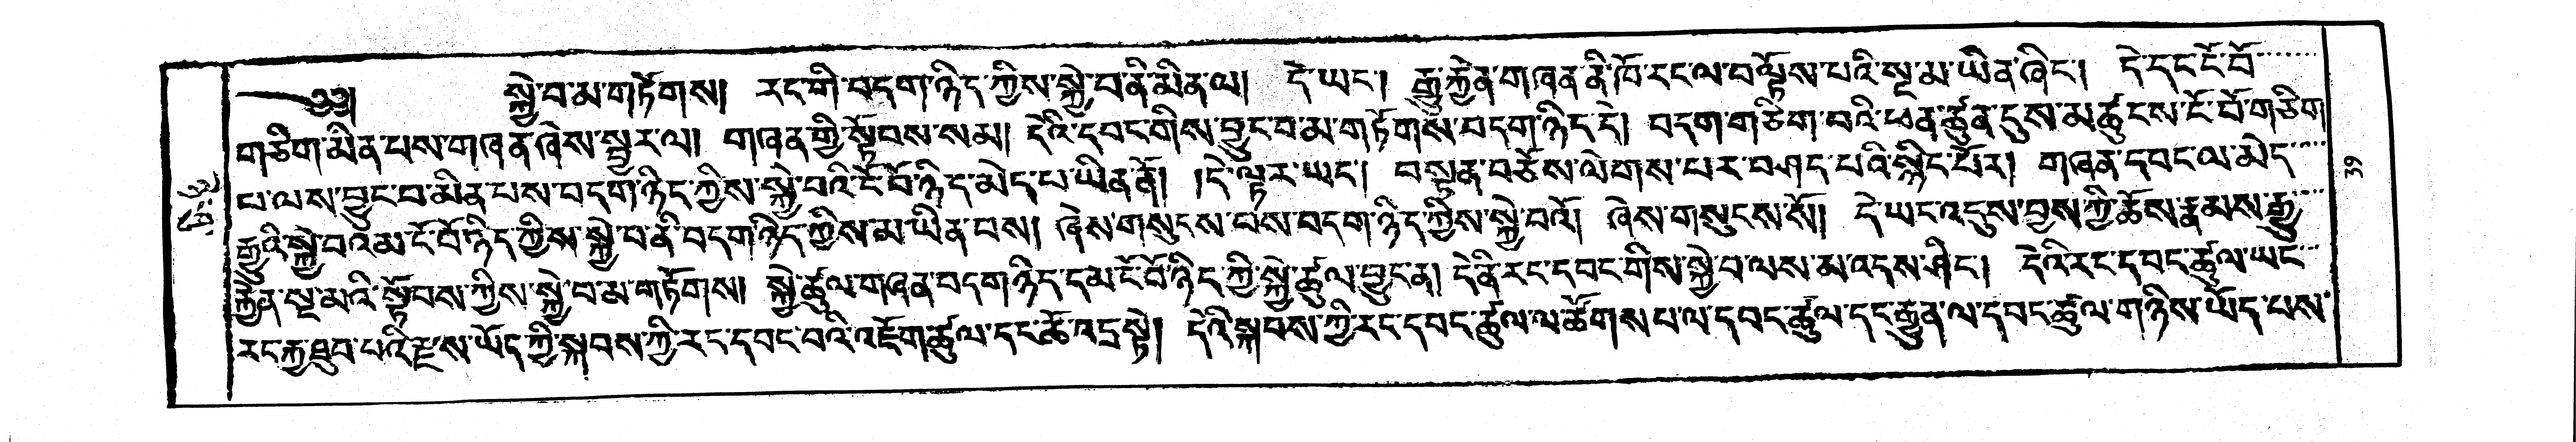༄༅། །སྐྱེ་བ་མ་གཏོགས། རང་གི་བདག་ཉིད་ཀྱིས་སྐྱེ་བ་ནི་མིན་ལ། དེ་ཡང་། རྒྱུ་རྐྱེན་གཞན་ནི་ཁོ་རང་ལ་བལྟོས་པའི་སྔ་མ་ཡིན་ཞིང་། དེ་དང་ངོ་བོ་
གཅིག་མིན་པས་གཞན་ཞེས་སྦྱར་ལ། གཞན་གྱི་སྟོབས་སམ། དེའི་དབང་གིས་བྱུང་བ་མ་གཏོགས་བདག་ཉིད་དེ། བདག་གཅིག་བའི་ཕན་ཚུན་དུས་མཚུངས་ངོ་བོ་གཅིག་
པ་ལས་བྱུང་བ་མིན་པས་བདག་ཉིད་ཀྱིས་སྐྱེ་བའི་ངོ་བོ་ཉིད་མེད་པ་ཡིན་ནོ། །དེ་ལྟར་ཡང་། བསྟན་བཅོས་ལེགས་པར་བཤད་པའི་སྙིང་པོར། གཞན་དབང་ལ་མེད་
རྒྱུའི་སྐྱེ་བའམ་ངོ་བོ་ཉིད་ཀྱིས་སྐྱེ་བ་ནི་བདག་ཉིད་ཀྱིས་མ་ཡིན་པས། ཞེས་གསུངས་པས་བདག་ཉིད་ཀྱིས་སྐྱེ་བའོ། ཞེས་གསུངས་སོ། དེ་ཡང་འདུས་བྱས་ཀྱི་ཆོས་རྣམས་རྒྱུ་
རྐྱེན་སྔ་མའི་སྟོབས་ཀྱིས་སྐྱེ་བ་མ་གཏོགས། སྐྱེ་ཚུལ་གཞན་བདག་ཉིད་དམ་ངོ་བོ་ཉིད་ཀྱི་སྐྱེ་ཚུལ་བྱུང་ན། དེ་ནི་རང་དབང་གིས་སྐྱེ་བ་ལས་མ་འདས་ཤིང་། དེའི་རང་དབང་ཚུལ་ཡང་
རང་རྐྱ་ཐུབ་པའི་རྫས་ཡོད་ཀྱི་སྐབས་ཀྱི་རང་དབང་བའི་འཇོག་ཚུལ་དང་ཆོ་འདྲ་སྟེ། དེའི་སྐབས་ཀྱི་རང་དབང་ཚུལ་ལ་ཚོགས་པ་ལ་དབང་ཚུལ་དང་རྒྱུན་ལ་དབང་ཚུལ་གཉིས་ཡོད་པས་